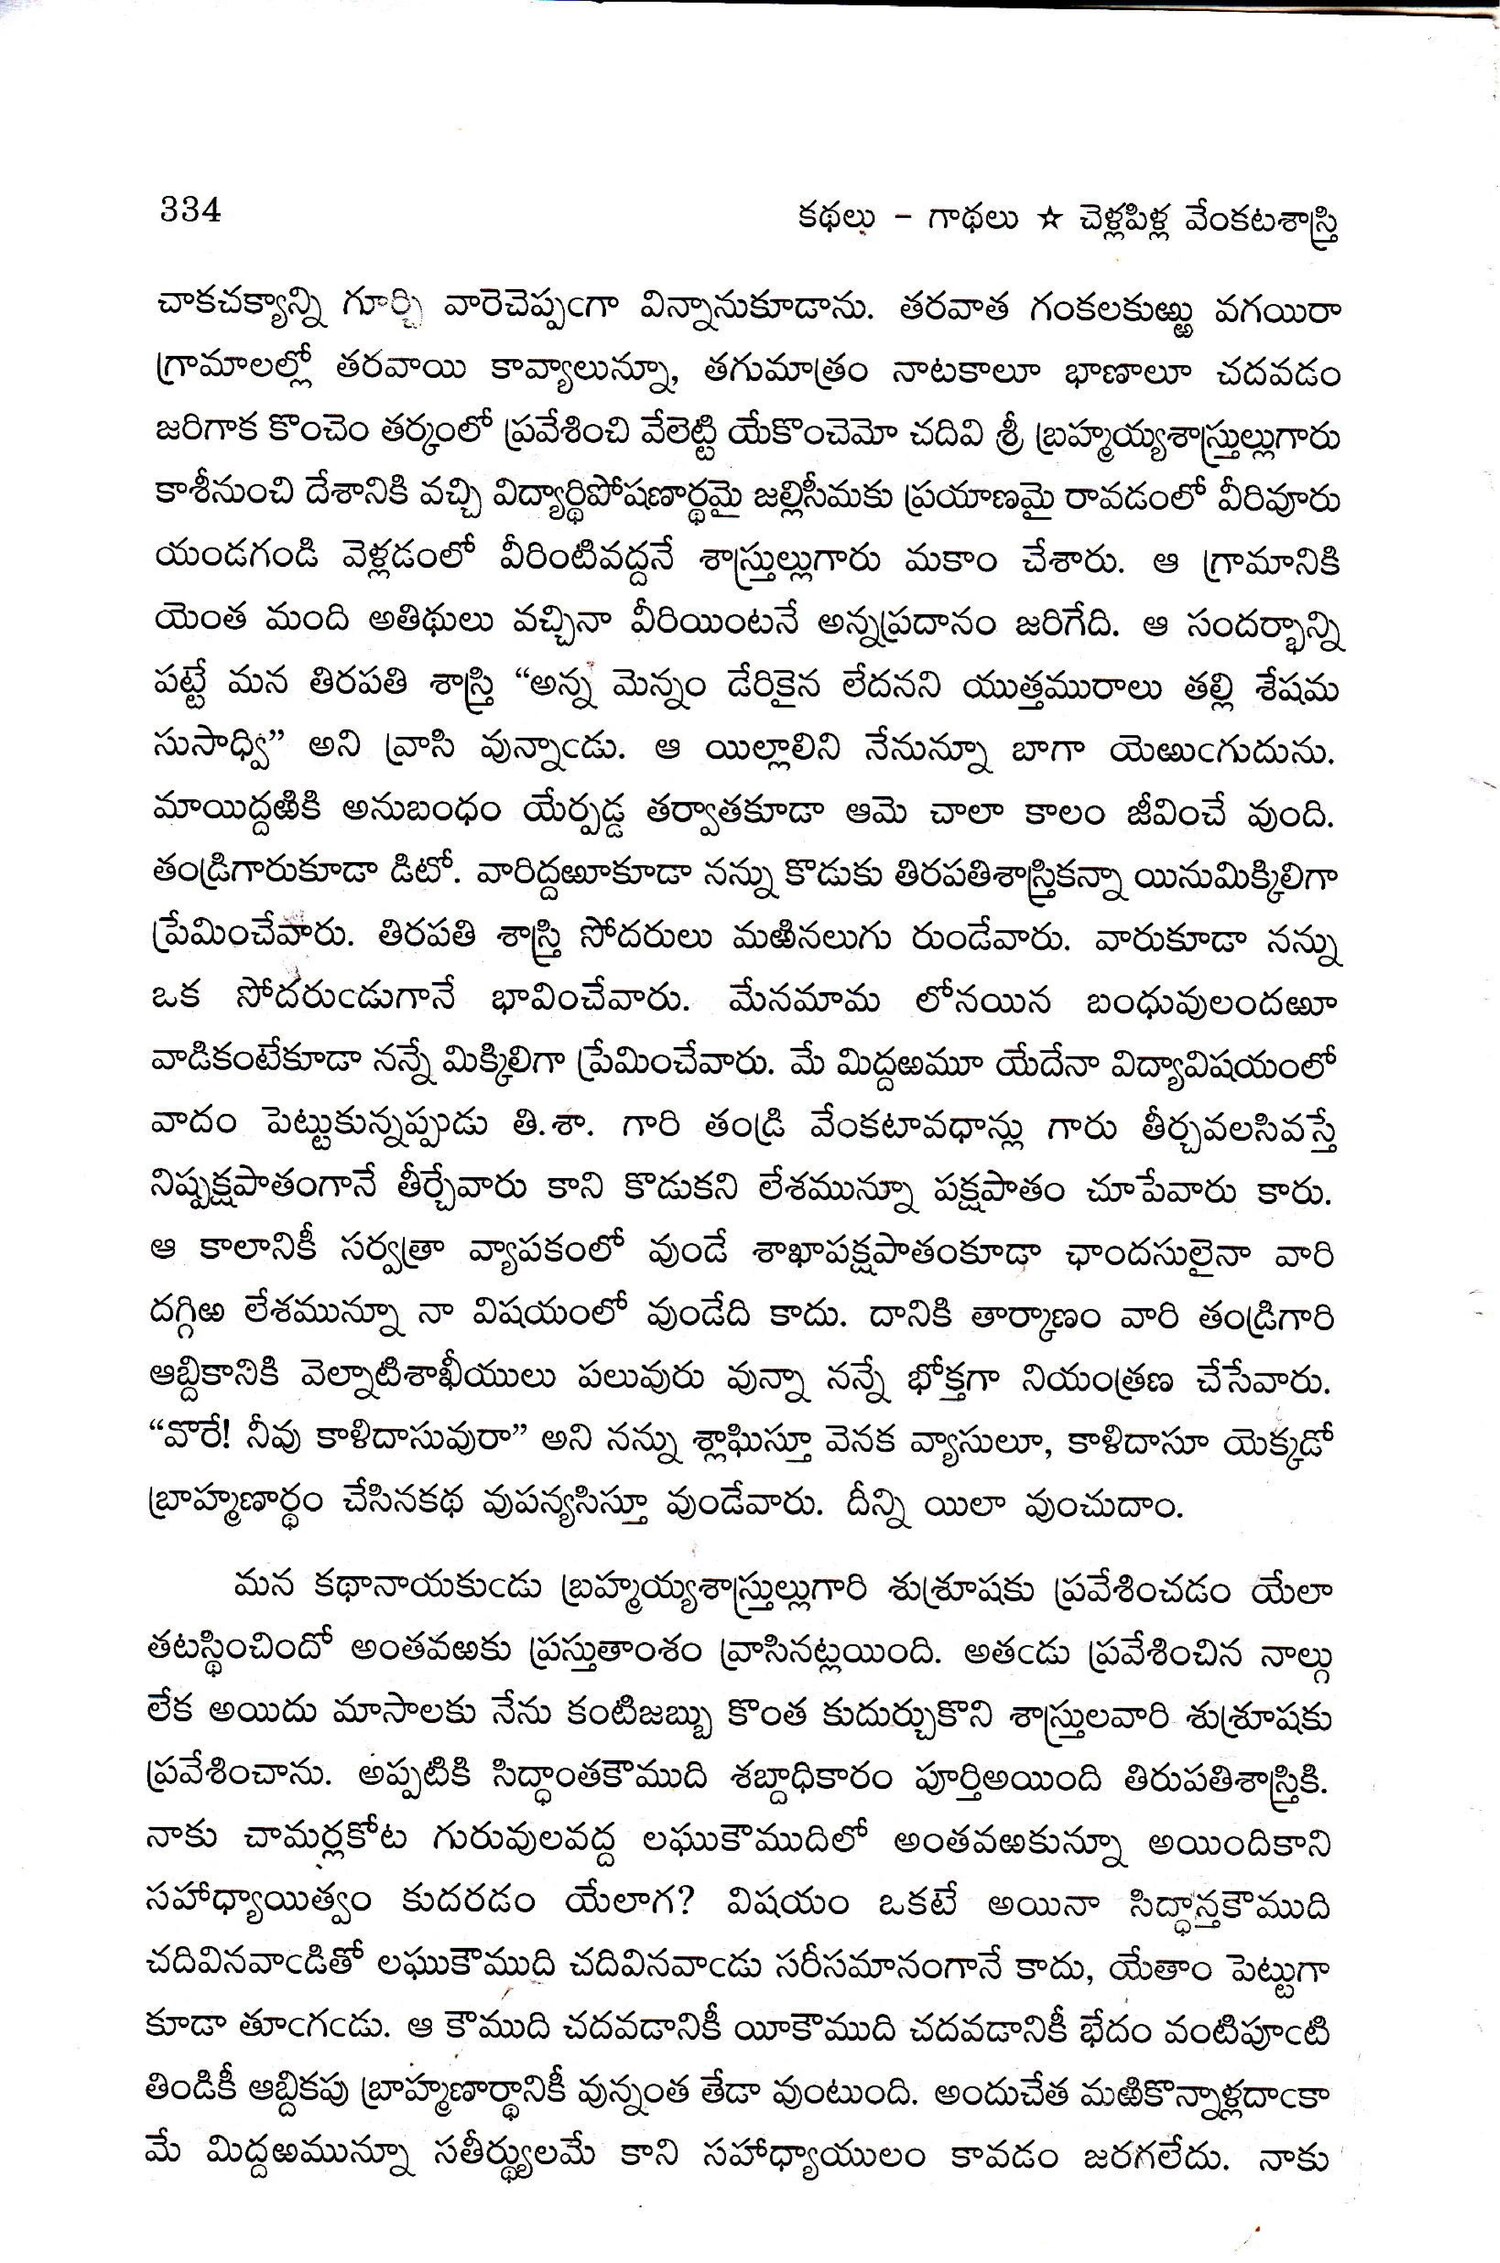చాకచక్యాన్ని గూర్చి వారెచెప్పఁగా విన్నానుకూడాను. తరవాత గంకలకుఱ్ఱు వగయిరా గ్రామాలల్లో తరవాయి కావ్యాలున్నూ తగుమాత్రం నాటకాలూ భాణాలూ చదవడం జరిగాక కొంచెం తర్కంలో ప్రవేశించి వేలెట్టి యేకొంచెమో చదివి శ్రీ బ్రహ్మయ్యశాస్త్రుల్లుగారు కాశీనుంచి దేశానికి వచ్చి విద్యార్థిపోషణార్థమై జల్లిసీమకు ప్రయాణమై రావడంలో వీరివూరు యండగండి వెళ్లడంలో వీరింటివద్దనే శాస్త్రుల్లుగారు మకాం చేశారు. ఆ గ్రామానికి యెంత మంది అతిథులు వచ్చినా వీరియింటనే అన్నప్రదానం జరిగేది. ఆ సందర్భాన్ని పట్టే మన తిరపతి శాస్త్రి "అన్న మెన్నం డేరికైన లేదనని యుత్తమురాలు తల్లి శేషమ సుసాధ్వి" అని వ్రాసి వున్నాఁడు. ఆ యిల్లాలిని నేనున్నూ బాగా యెఱుఁగుదును. మాయిద్దఱికి అనుబంధం యేర్పడ్డ తర్వాతకూడా ఆమె చాలా కాలం జీవించే వుంది. తండ్రిగారుకూడా డిటో, వారిద్దఱూకూడా నన్నుకొడుకు తిరపతిశాస్త్రికన్నాయినుమిక్కిలిగా ప్రేమించేవారు. తిరపతి శాస్త్రి సోదరులు మఱినలుగు రుండేవారు. వారుకూడా నన్ను ఒక సోదరుఁడుగానే భావించేవారు. మేనమామ లోనయిన బంధువులందఱూ వాడికంటేకూడా నన్నే మిక్కిలిగా ప్రేమించేవారు. మే మిద్దఱమూ యేదేనా విద్యావిషయంలో వాదం పెట్టుకున్నప్పుడు తి. శా, గారి తండ్రి వేంకటావధాన్లు గారు తీర్చవలసివస్తే నిష్పక్షపాతంగానే తీర్చేవారు కాని కొడుకని లేశమున్నూ పక్షపాతం చూపేవారు కారు. ఆ కాలానికీ సర్వత్రా వ్యాపకంలో వుండే శాఖాపక్షపాతంకూడా ఛాందసులైనా వారి దగ్గిఱ లేశమున్నూ నా విషయంలో వుండేది కాదు. దానికి తార్కాణం వారి తండ్రిగారి ఆబ్దికానికి వెల్నాటిశాఖీయులు పలువురు వున్నా నన్నే భోక్తగా నియంత్రణ చేసేవారు. “వొరే! నీవు కాళిదాసువురా" అని నన్ను శ్లాఘిస్తూ వెనక వ్యాసులూ, కాళిదాసూ యెక్కడో బ్రాహ్మణార్థం చేసినకథ వుపన్యసిస్తూ వుండేవారు. దీన్ని యిలా వుంచుదాం.

మన కథానాయకుఁడు బ్రహ్మయ్యశాస్త్రుల్లుగారి శుశ్రూషకు ప్రవేశించడం యేలా తటస్థించిందో అంతవఱకు ప్రస్తుతాంశం వ్రాసినట్లయింది. అతఁడు ప్రవేశించిన నాల్గు లేక అయిదు మాసాలకు నేను కంటిజబ్బు కొంత కుదుర్చుకొని శాస్త్రులవారి శుశ్రూషకు ప్రవేశించాను. అప్పటికి సిద్ధాంతకౌముది శబ్దాధికారం పూర్తిఅయింది తిరుపతిశాస్త్రికి. నాకు చామర్లకోట గురువులవద్ద లఘుకౌముదిలో అంతవఱకున్నూ అయిందికాని సహాధ్యాయిత్వం కుదరడం యేలాగ? విషయం ఒకటే అయినా సిద్ధాన్తకౌముది చదివినవాఁడితో లఘకౌముది చదివినవాఁడు సరీసమానంగానే కాదు, యేతాం పెట్టుగా కూడా తూఁగఁడు. ఆ కౌముది చదవడానికీ యీకౌముది చదవడానికీ భేదం వంటిపూఁటి తిండికీ ఆబ్దికపు బ్రాహ్మణార్థానికీ వున్నంత తేడా వుంటుంది. అందుచేత మఱికొన్నాళ్లదాఁకా మే మిద్దఱమున్నూ సతీర్థ్యులమే కాని సహాధ్యాయులం కావడం జరగలేదు. నాకు